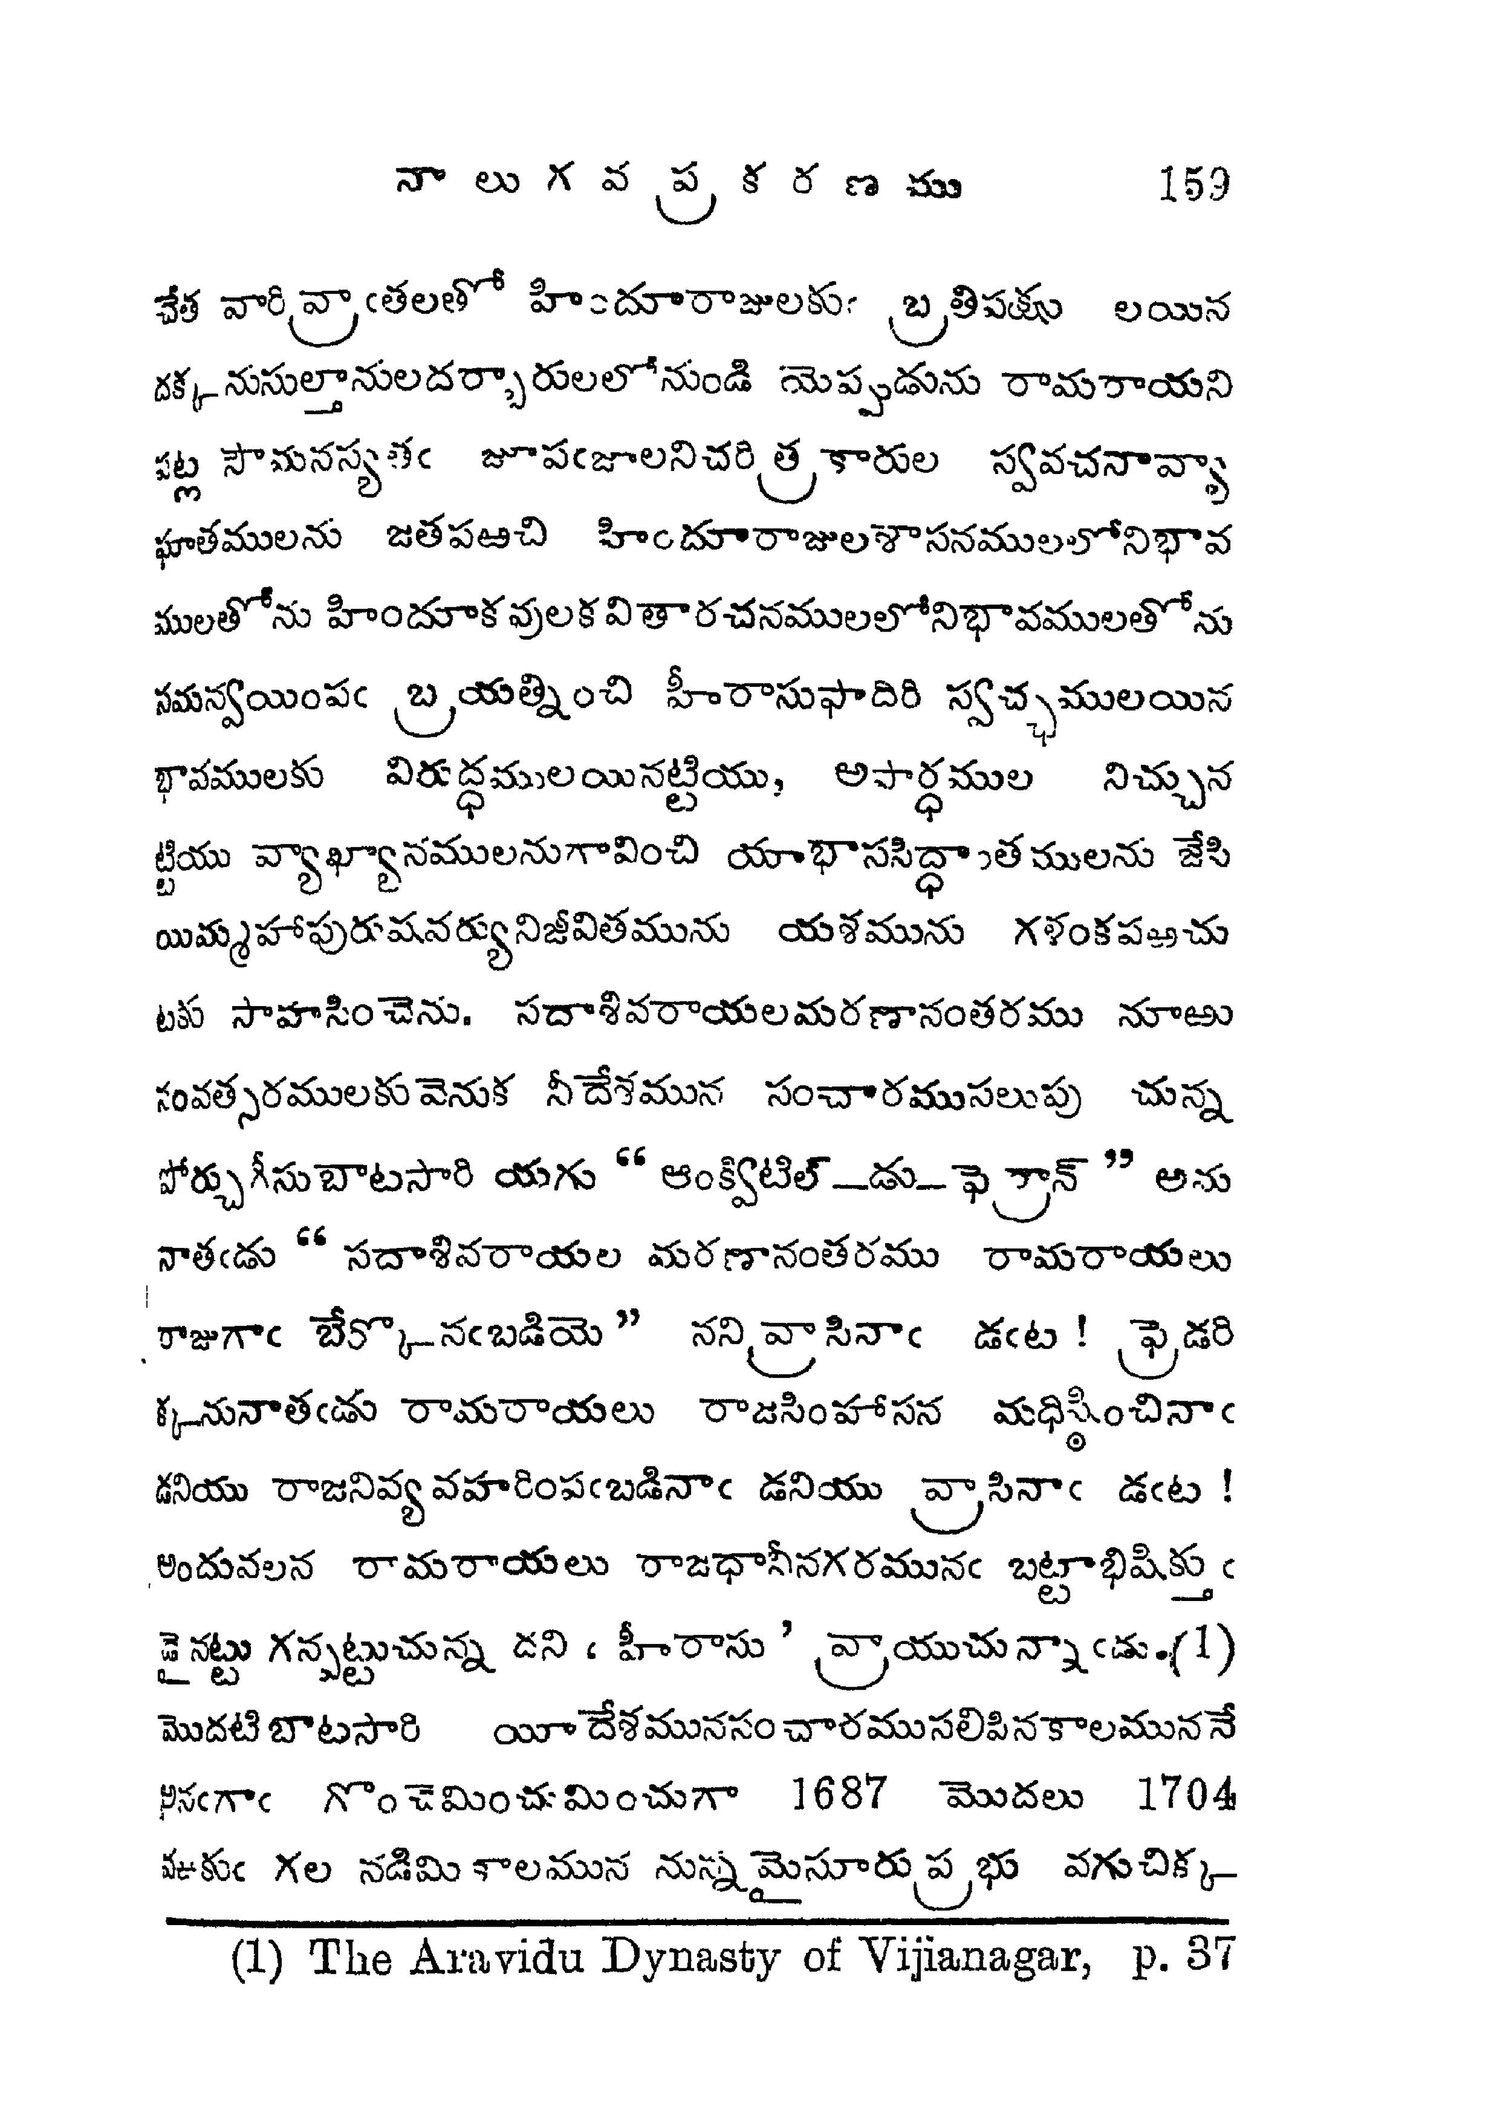చేత వారివ్రాతలతో హిందూరాజులకు బ్రతిపక్షు లయిన దక్కనుసుల్తానుల దర్బారులలోనుండి యెప్పుడును రామరాయనిపట్ల సౌమనస్యత జూపజాలనిచరిత్రకారుల స్వవచనావ్యాఘాతములను జతపఱచి హిందూరాజుల శాసనములలోని భావములతోను హిందూకవుల కవితారచనములలోని భావములతోను సమన్వయింప బ్రయత్నించి హీరాసుఫాదిరి స్వచ్ఛములయిన భావములకు విరుద్ధములయినట్టియు, అపార్ధముల నిచ్చునట్టియు వ్యాఖ్యానములనుగావించి యాభాస సిద్ధాంతములను జేసి యిమ్మహాపురుషవర్యుని జీవితమును యశమును గళంకపఱచుటకు సాహసించెను. సదాశివరాయలమరణానంతరము నూఱు సంవత్సరములవెనుక నీదేశమున సంచారముసలుపు చున్న పోర్చుగీసుబాటసారి యగు "ఆంక్విటిల్ - డు - ఫెర్రాన్" అను నాతడు "సదాశివరాయల మరణానంతరము రామరాయలు రాజుగా బేర్కొనబడియె" ననివ్రాసినా డట ! ఫ్రెడరిక్కనునాతడు రామరాయలు రాజసింహాసన మధిష్ఠించినాడనియు రాజని వ్యవహరింపబడినా డనియు వ్రాసినా డట ! అందువలన రామరాయలు రాజధానీనగరమున బట్టాభిషిక్తుడైనట్టు గన్పట్టుచున్న దని 'హీరాసు' వ్రాయుచున్నాడు. మొదటిబాటసారి యీదేశమునసంచారము సలిపినకాలముననే అనగా గొంచెమించుమించుగా 1687 మొదలు 1704 వఱకు గల నడిమికాలమున నున్నమైసూరుప్రభు వగుచిక్క